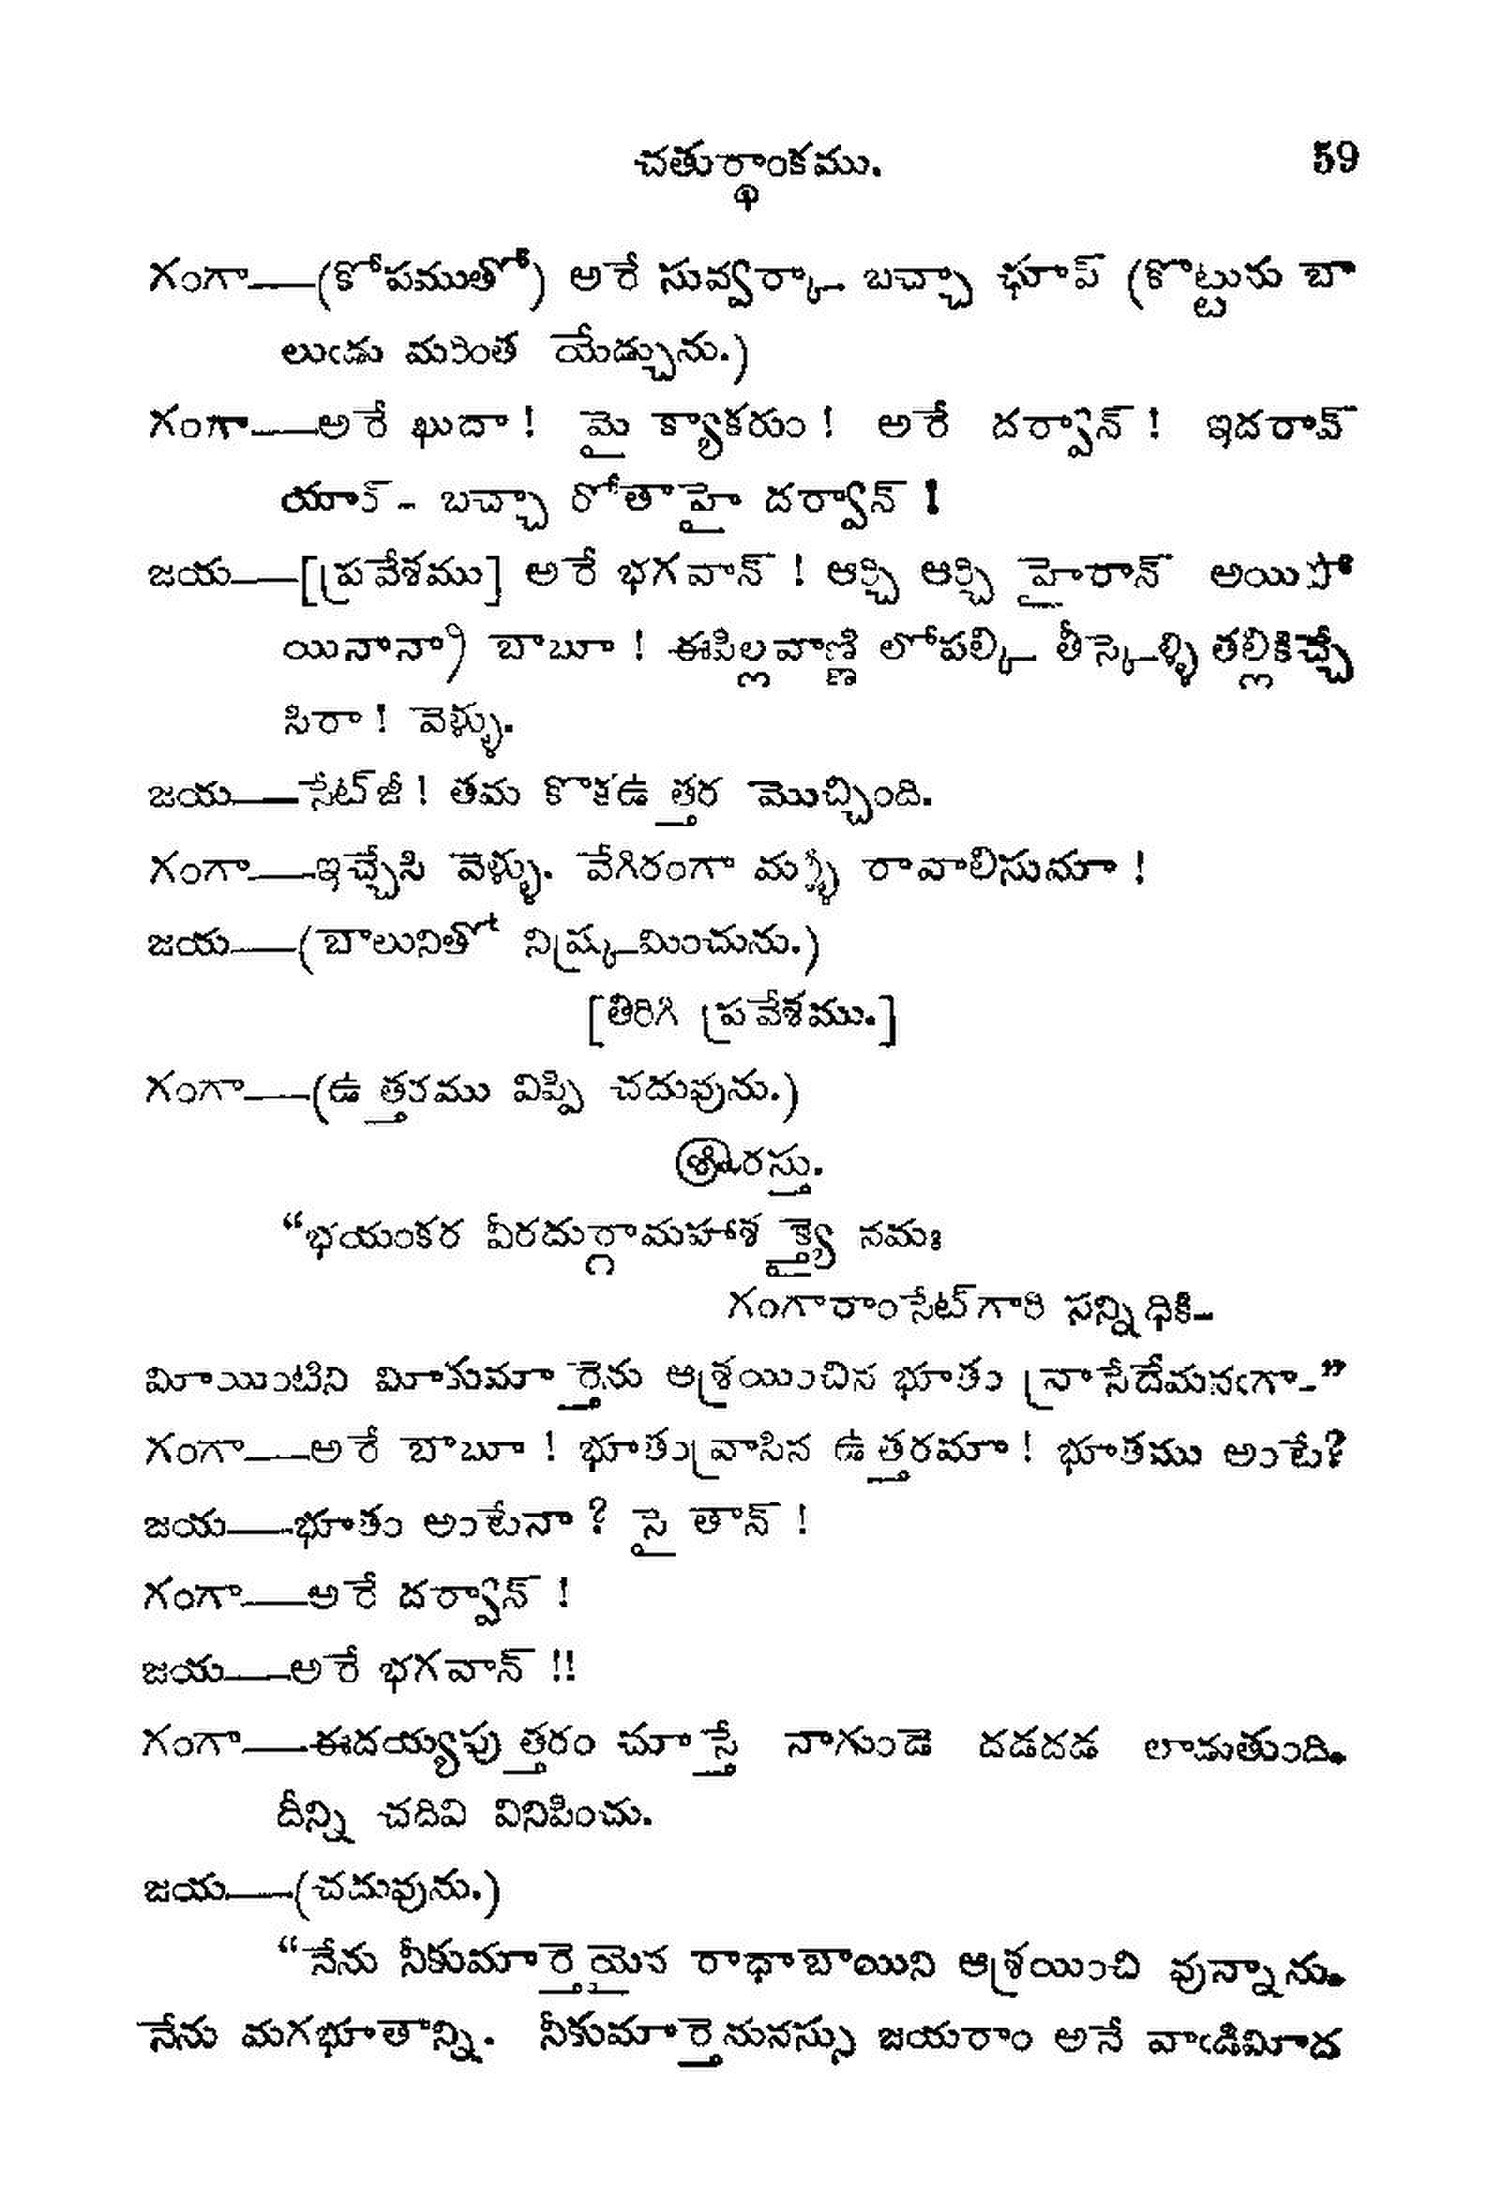గంగా - (కోపముతో) అరే సువ్వర్కా, బచ్చా ఛూప్ (కొట్టును బాలుఁడు మరింత యేడ్చును.)

గంగా - అరే ఖుదా! మై క్యాకరుం ! అరే దర్వాన్ ! ఇదరావ్ యార్ - బచ్చా రోతా హై దర్వాన్ !

జయ - [ప్రవేశము] అరే భగవాన్ ! ఆర్చి ఆర్చి హైరాన్ అయిపోయినాన్రా బాబూ ! ఈ పిల్లవాణ్ణి లోపల్కి తీస్కెళ్ళి తల్లికిచ్చేసిరా ! వెళ్ళు.

జయ - సేట్‌జీ ! తమ కొకఉత్తర మొచ్చింది.

గంగా - ఇచ్చేసి వెళ్ళు. వేగిరంగా మళ్ళీ రావాలిసుమా !

జయ - (బాలునితో నిష్క్రమించును.)

గంగా -- (ఉత్తరము విప్పి చదువును.)

మీయింటిని మీకుమార్తెను ఆశ్రయించిన భూతం వ్రాసేదేమనఁగా."

గంగా - అరే బాబూ ! భూతం వ్రాసిన ఉత్తరమా ! భూతము అంటే?

జయ - భూతం అంటేనా? సైతాన్ !

గంగా - అరే దర్వాన్ !

జయ - అరే భగవాన్ !!

గంగా - ఈదయ్యపుత్తరం చూస్తే నాగుండె దడదడ లాడుతుంది. దీన్ని చదివి వినిపించు.

జయ - (చదువును.)

"నేను నీకుమార్తె యైన రాధాబాయిని ఆశ్రయించి వున్నాను. నేను మగభూతాన్ని. నీకుమార్తెమనస్సు జయరాం అనే వాఁడిమీద